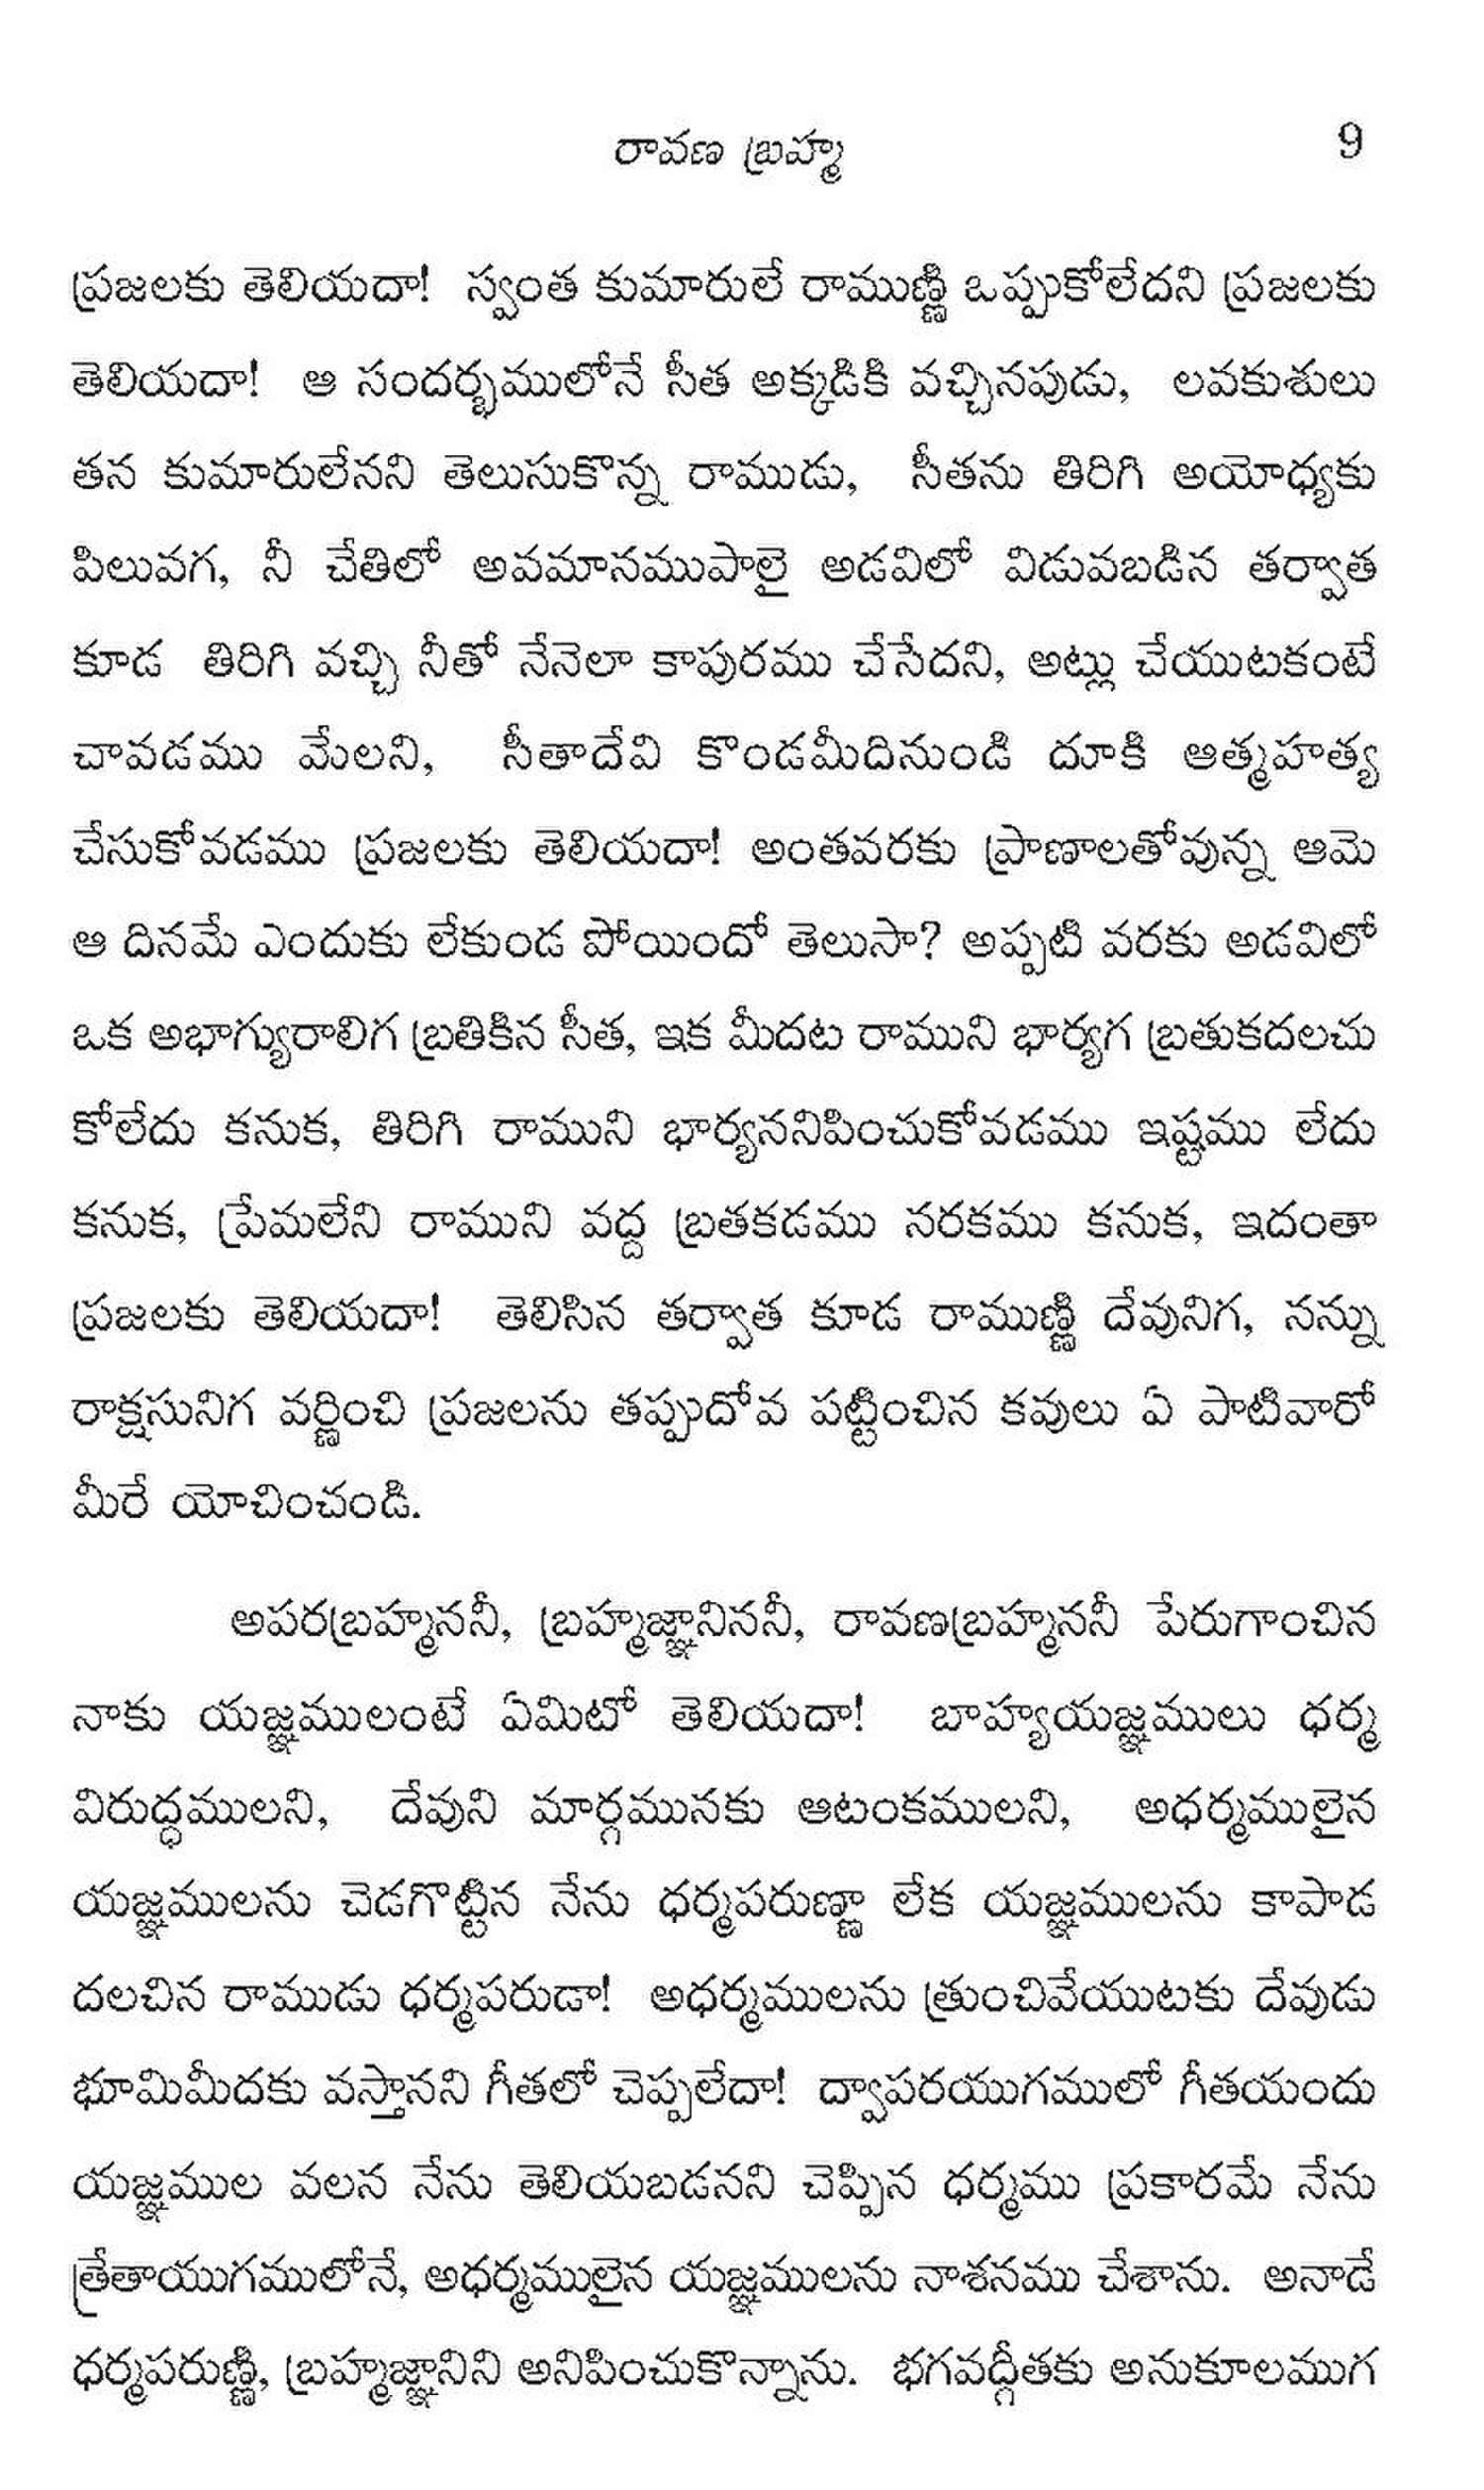ప్రజలకు తెలియదా! స్వంత కుమారులే రాముణ్ణి ఒప్పుకోలేదని ప్రజలకు తెలియదా! ఆ సందర్భములోనే సీత అక్కడికి వచ్చినపుడు, లవకుశులు తన కుమారులేనని తెలుసుకొన్న రాముడు, సీతను తిరిగి అయోధ్యకు పిలువగ, నీ చేతిలో అవమానముపాలై అడవిలో విడువబడిన తర్వాత కూడ తిరిగి వచ్చి నీతో నేనెలా కాపురము చేసేదని, అట్లు చేయుటకంటే చావడము మేలని, సీతాదేవి కొండమీదినుండి దూకి ఆత్మహత్య చేసుకోవడము ప్రజలకు తెలియదా! అంతవరకు ప్రాణాలతోవున్న ఆమె ఆ దినమే ఎందుకు లేకుండ పోయిందో తెలుసా? అప్పటి వరకు అడవిలో ఒక అభాగ్యురాలిగ బ్రతికిన సీత, ఇక మీదట రాముని భార్యగ బ్రతుకదలచు కోలేదు కనుక, తిరిగి రాముని భార్యననిపించుకోవడము ఇష్టము లేదు కనుక, ప్రేమలేని రాముని వద్ద బ్రతకడము నరకము కనుక, ఇదంతా ప్రజలకు తెలియదా! తెలిసిన తర్వాత కూడ రాముణ్ణి దేవునిగ, నన్ను రాక్షసునిగ వర్ణించి ప్రజలను తప్పుదోవ పట్టించిన కవులు ఏ పాటివారో మీరే యోచించండి.

అపరబ్రహ్మననీ, బ్రహ్మజ్ఞానిననీ, రావణబ్రహ్మననీ పేరుగాంచిన నాకు యజ్ఞములంటే ఏమిటో తెలియదా! బాహ్యయజ్ఞములు ధర్మ విరుద్ధములని, దేవుని మార్గమునకు ఆటంకములని, అధర్మములైన యజ్ఞములను చెడగొట్టిన నేను ధర్మపరుణ్ణా లేక యజ్ఞములను కాపాడ దలచిన రాముడు ధర్మపరుడా! అధర్మములను త్రుంచివేయుటకు దేవుడు భూమిమీదకు వస్తానని గీతలో చెప్పలేదా! ద్వాపరయుగములో గీతయందు యజ్ఞముల వలన నేను తెలియబడనని చెప్పిన ధర్మము ప్రకారమే నేను త్రేతాయుగములోనే, అధర్మములైన యజ్ఞములను నాశనము చేశాను. అనాడే ధర్మపరుణ్ణి, బ్రహ్మజ్ఞానిని అనిపించుకొన్నాను. భగవద్గీతకు అనుకూలముగ